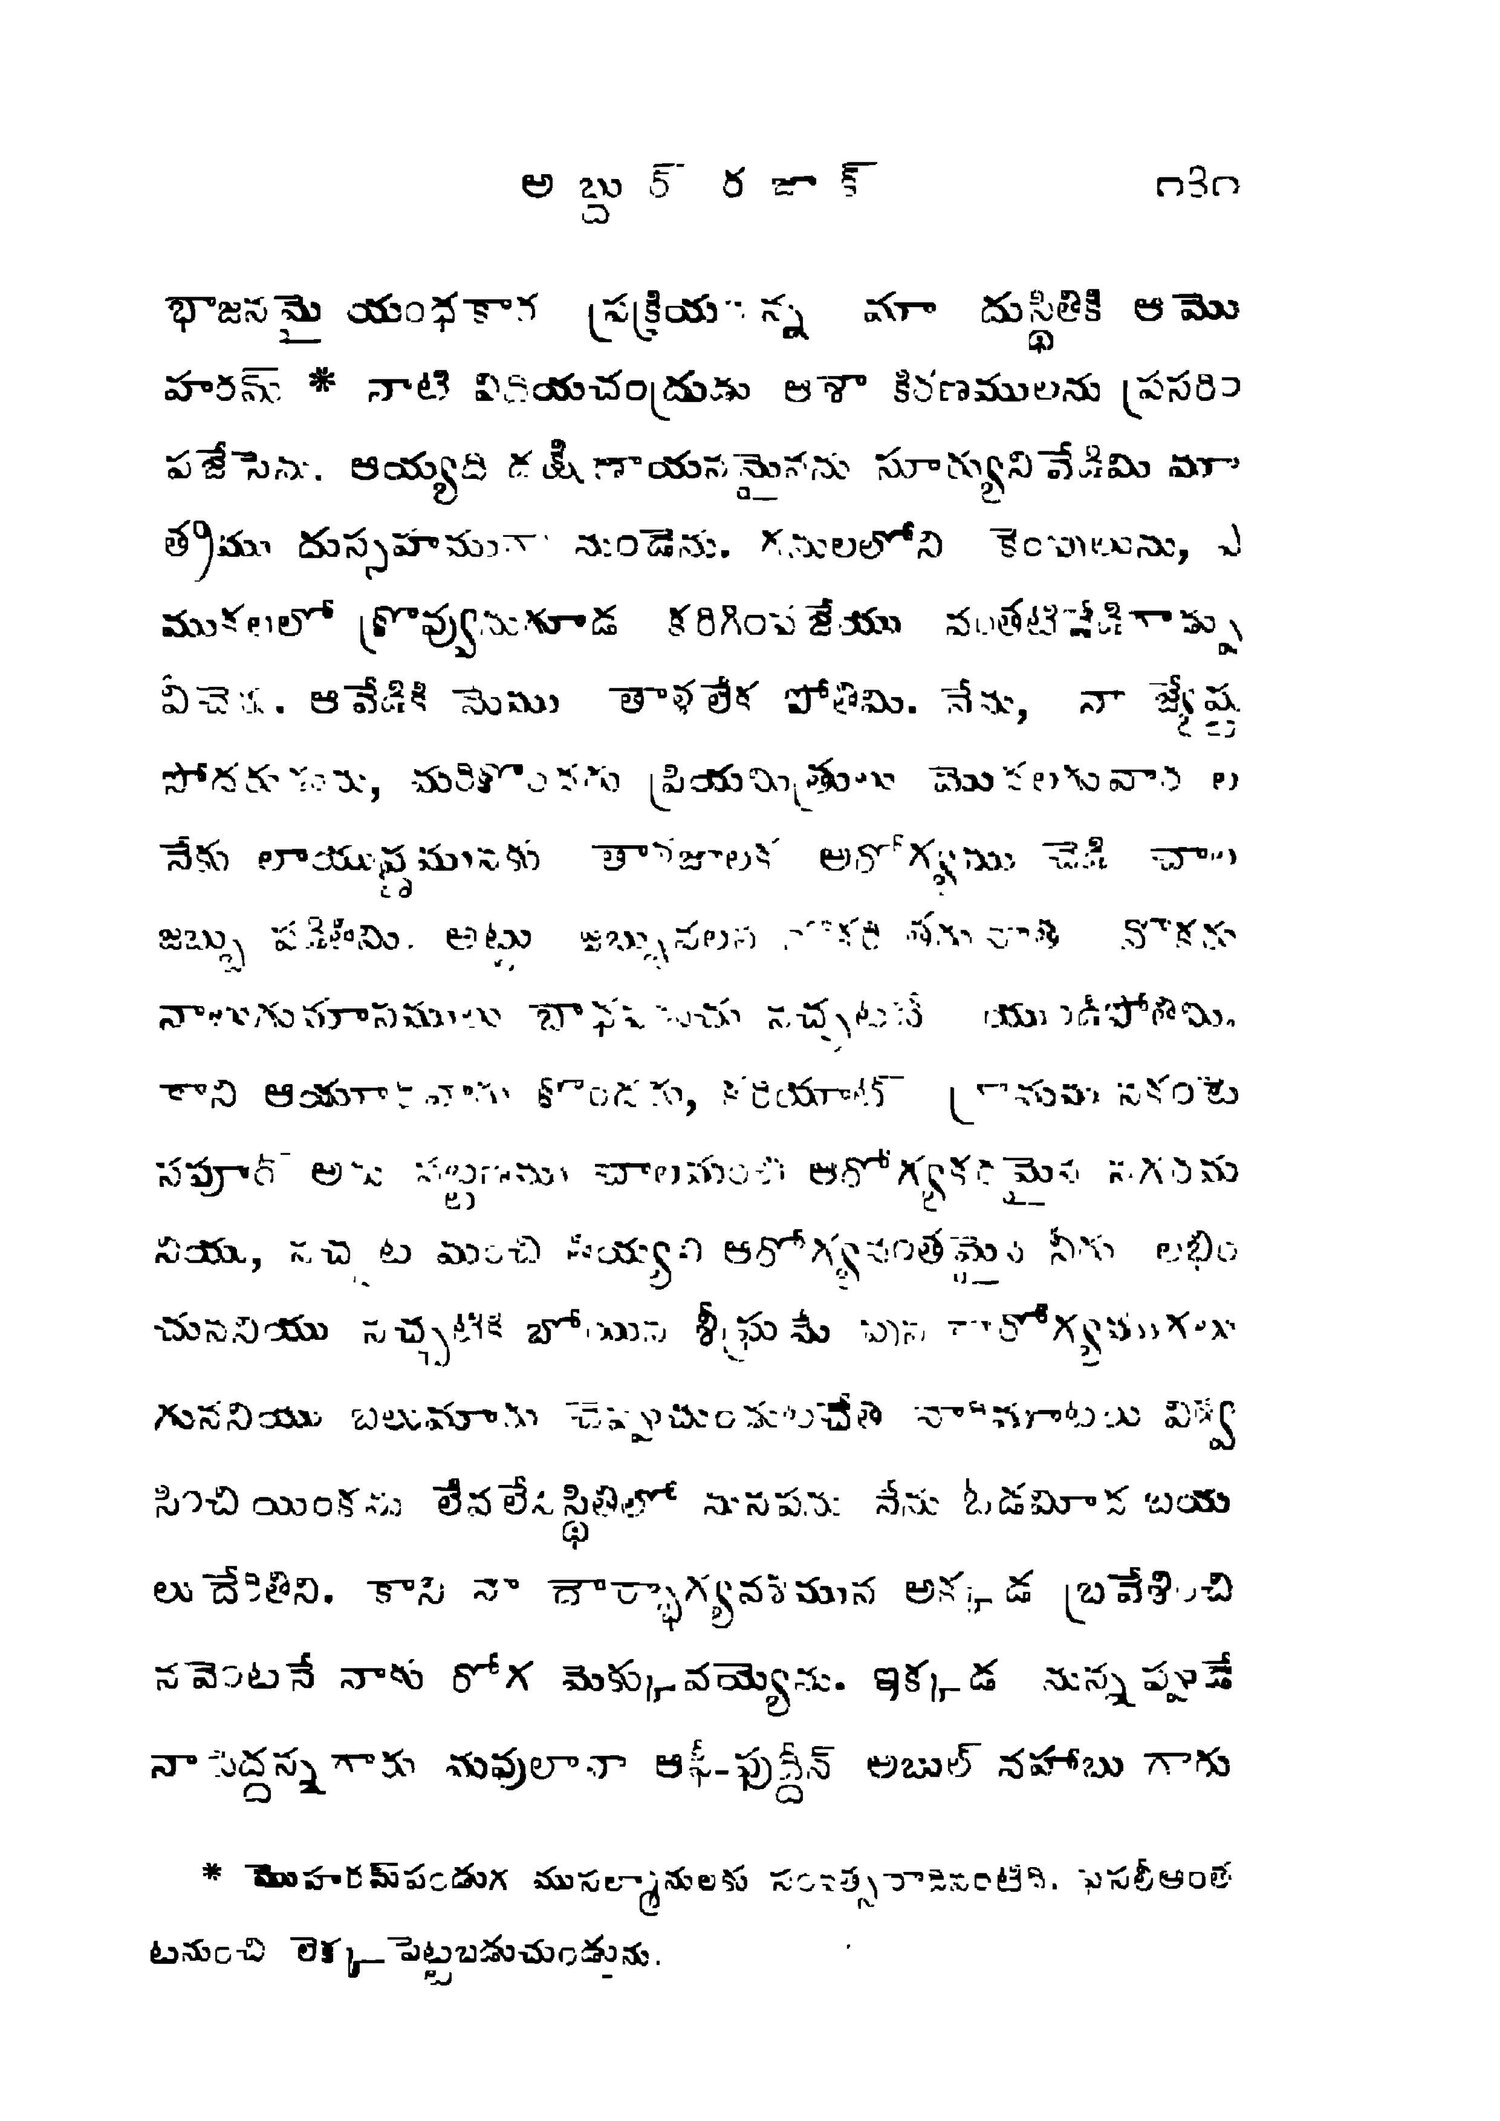భాజనమై యంధకార ప్రక్రియనున్న మా దుస్థితికి ఆ మొహరమ్ నాటి విదియచంద్రుడు ఆశా కిరణములను ప్రసరింపజేసెను. ఆయ్యది దక్షిణాయనమైనను సూర్యుని వేడిమి మాత్రము దుస్సహముగా నుండెను. గనులలోని కెంపులును, ఎముకలలో క్రొవ్వునుగూడ కరిగింపజేయు నంతటి వేడిగాడ్పు వీచెను. ఆవేడికి మేము తాళలేక పోతిమి. నేను, నా జ్యేష్ట సోదరుడును, మరికొందరు ప్రియమిత్రులు మొదలగువార లనేకు లాయుష్ణమునకు తాళజాలక ఆరోగ్యము చెడి చాల జబ్బు పడితిమి. అట్లు జబ్బువలన నొకరి తరువాత నొకరు నాలుగు మాసములు బాధపడుచు నచ్చటనే యుండిపోతిమి. కాని ఆయూరివారు కొందరు, కరియాట్ గ్రామమున కంటె సపూర్ అను పట్టణము చాలమంచి ఆరోగ్యకరమైన నగరమనియు, నచ్చట మంచి తియ్యని ఆరోగ్యవంతమైన నీరు లభించుననియు నచ్చటికి బోయిన శీఘ్రమే పున రారోగ్యముగలుగుననియు బలుమారు చెప్పు చుండుటచేత వారిమాటలు విశ్వసించి యింకను లేవలేనిస్థితిలో నున్నపుడు నేను ఓడమీద బయలు దేరితిని. కాని నా దౌర్భాగ్య వశమున అక్కడ బ్రవేశించిన వెంటనే నాకు రోగ మెక్కువయ్యెను. ఇక్కడ నున్నప్పుడే నా పెద్దన్నగారు మవులానా ఆఫీ-వుద్దీన్ అబుల్ సహాబు గారు